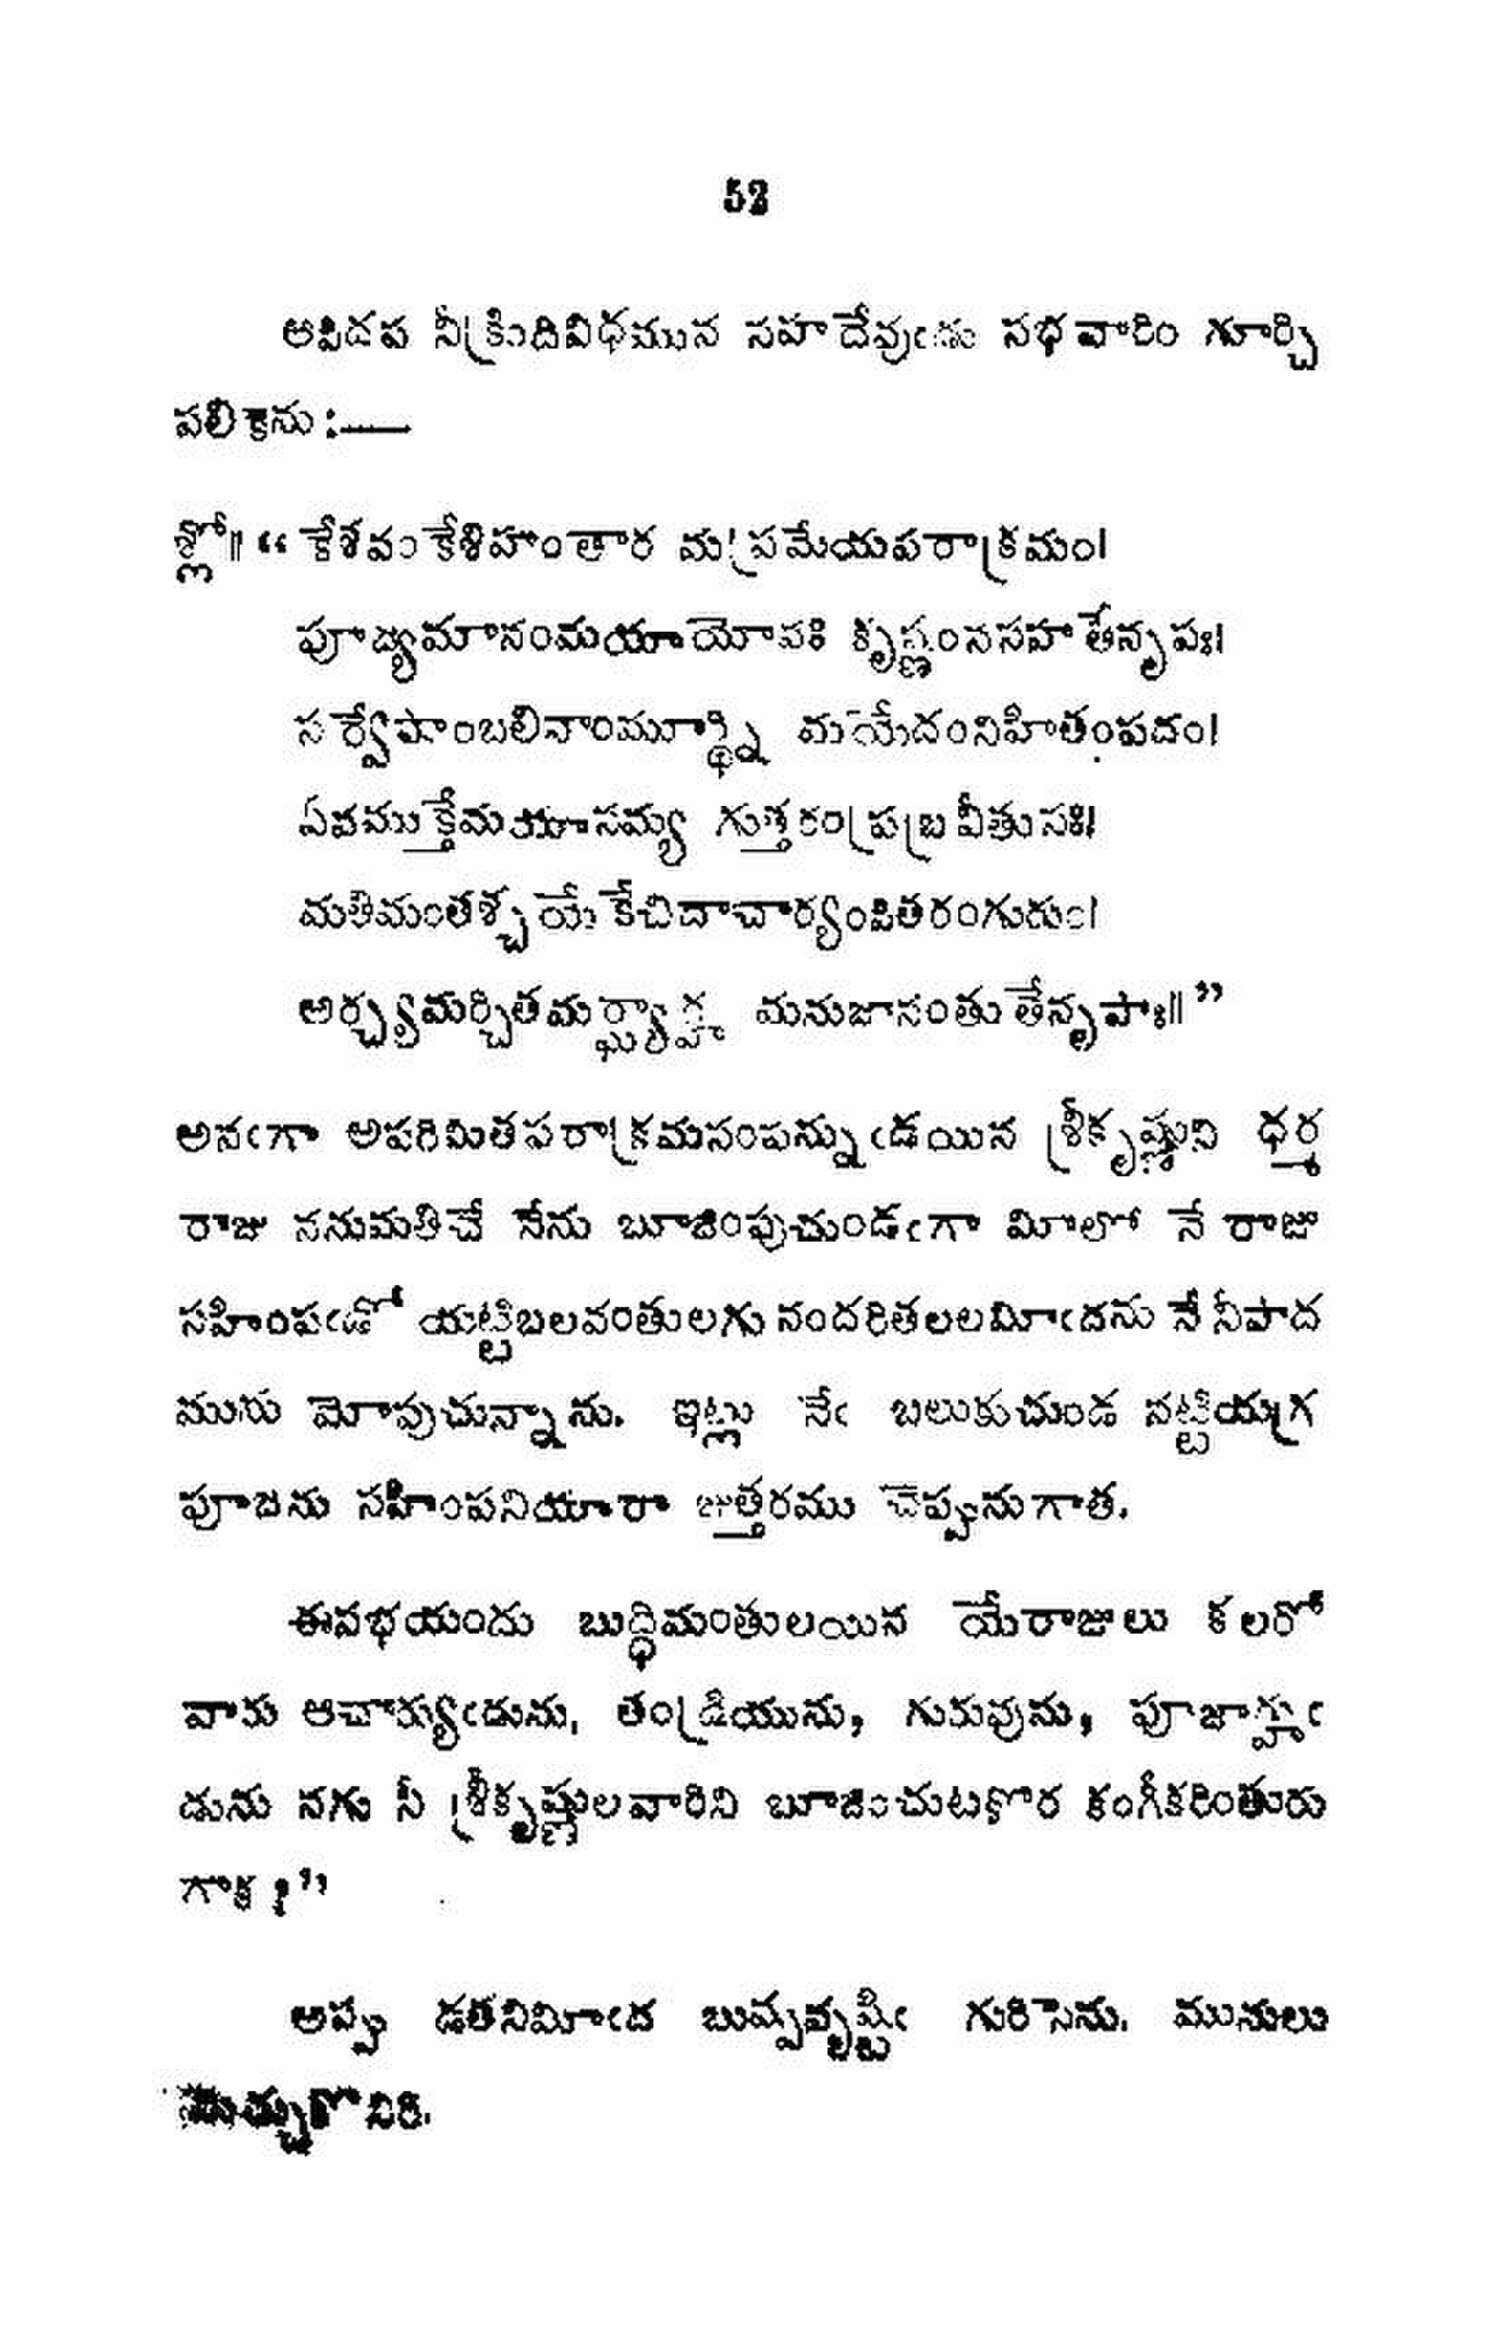ఆపిదప నీక్రిందివిధమున సహదేవుఁడు సభవారిం గూర్చి పలికెను:-

శ్లో. "కేశవం కేశిహంతార మప్రమేయపరాక్రమం!
 పూజ్యమానంమయాయోపః కృష్ణంససహతేనృపః!
 సర్వేషాంబలినాంమూర్థ్ని మయేదంనిహితంపదం!
 ఏవముక్తేమయాసమ్య గుత్తరంప్రబ్రవీతు సః!
 మతిమంతశ్చయేకేచిదాచార్యంపితరంగురుం |
 అర్చ్యమర్చితమర్ఘ్యార్హ మనుజానంతుతేనృపాః!! "
అనఁగా అపరిమితపరాక్రమసంపన్నుఁడయిన శ్రీకృష్ణుని ధర్మరాజు ననుమతిచే నేను బూజింపుచుండఁగా మీలో నే రాజు సహింపఁడో యట్టిబలవంతులగు నందరితలలమీఁదను నే నీపాదమును మోవుచున్నాను. ఇట్లు నేఁ బలుకుచుండ నట్టియగ్రపూజను సహింపనియారా జుత్తరము చెప్పునుగాత.

ఈసభయందు బుద్ధిమంతులయిన యేరాజులు కలరో వారు ఆచార్యుఁడును, తండ్రియును, గురువును, పూజార్హుఁడును నగు నీ శ్రీకృష్ణులవారిని బూజించుటకొర కంగీకరింతురు గాక?"

అప్పు డతనిమీఁద బుష్పవృష్టిఁ గురిసెను. మునులు మెచ్చుకొనిరి.